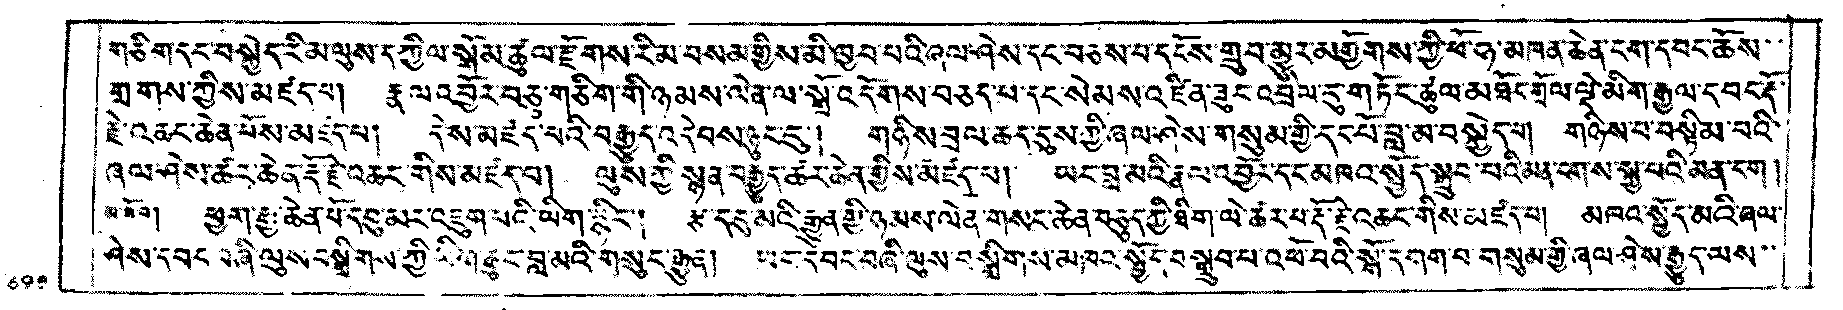གཅིག་དང་བསྐྱེད་རིམ་ལུས་དཀྱིལ་སྒོམ་ཚུལ་རྫོགས་རིམ་བསམ་གྱིས་མི་ཁྱབ་པའི་ཞལ་ཤེས་དང་བཅས་པ་དངོས་གྲུབ་མྱུར་མགྱོགས་ཀྱི་ཕོ་ཉ་མཁན་ཆེན་ངག་དབང་ཆོས་
གྲགས་ཀྱིས་མཛད་པ། རྣལ་འབྱོར་བཅུ་གཅིག་གི་ཉམས་ལེན་ལ་སྒྲོ་འདོགས་བཅད་པ་དང་སེམས་འཛིན་ཟུང་འབྲེལ་དུ་གཏོང་ཚུལ་མཐོང་གྲོལ་ལྡེ་མིག་རྒྱལ་དབང་རྡོ་
རྗེ་འཆང་ཆེན་པོས་མཛད་པ། དེས་མཛད་པའི་བརྒྱུད་འདེབས་ཉུང་ངུ། གཉིས་བྲལ་ཆད་དུས་ཀྱི་ཞལ་ཤེས་གསུམ་གྱི་དང་པོ་བླ་མ་བསྐྱེད་པ། གཉིས་པ་བསྟིམ་པའི་
ཞལ་ཤེས་ཚར་ཆེན་རྡོ་རྗེ་འཆང་གིས་མཛད་པ། ལུས་ཀྱི་སྙན་བརྒྱུད་ཚར་ཆེན་གྱིས་མཛད་པ། ཡང་བླ་མའི་རྣལ་འབྱོར་དང་མཁའ་སྤྱོད་སྒྲུབ་པའི་མན་ངག་ས་སྐྱ་པའི་མན་ངག །
མ་ཐོབ།  ཕྱག་རྒྱ་ཆེན་པོ་དབུ་མར་འཇུག་པའི་ཡིག་རྙིང་། རྩ་དབུ་མའི་རྒྱུན་གྱི་ཉམས་ལེན་གསང་ཆེན་བཅུད་ཀྱི་ཐིག་ལེ་ཚར་པ་རྡོ་རྗེ་འཆང་གིས་མཛད་པ། མཁའ་སྤྱོད་མའི་ཞལ་
ཤེས་དབང་བཞི་ལུས་བསྒྲིགས་ཀྱི་ཡིག་ཆུང་བླ་མའི་གསུང་རྒྱུན། ཡང་དབང་བཞི་ལུས་བསྒྲིགས་མཁའ་སྤྱོད་བསྒྲུབ་པ་འཕོ་བའི་སྒོ་དགག་པ་གསུམ་གྱི་ཞལ་ཤེས་རྒྱུད་ལས་